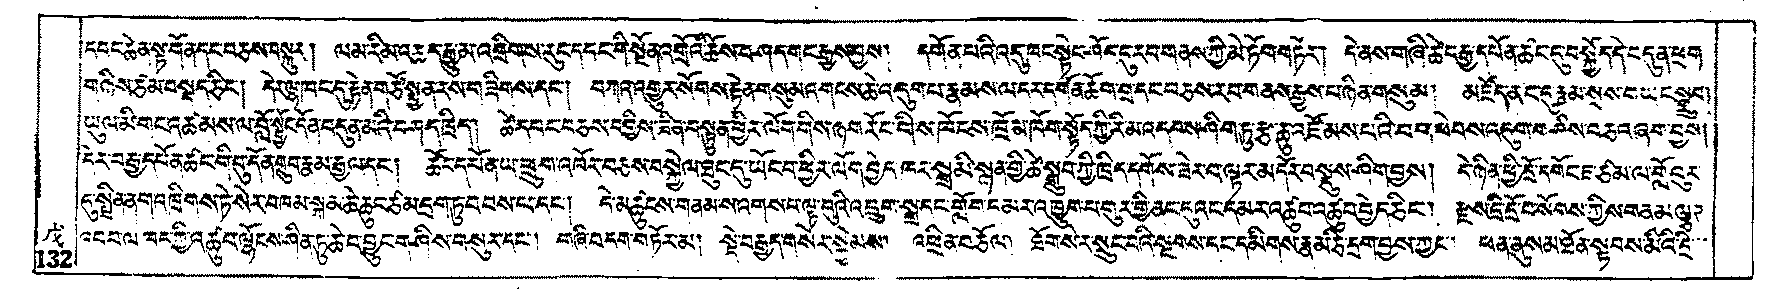དབང་ཆེན་སྟ་གོན་དང་བཅས་བསྐུར། ལམ་རིམ་འཆད་རྒྱུ་མ་འགྲིགས་རུང་དབང་གི་སྔོན་འགྲོའི་ཆོས་བཤད་གང་རྒྱས་བྱས། དགོན་པའི་འདུ་ཁང་སྟེང་ཤོད་དུ་རབ་གནས་ཀྱི་མེ་ཏོག་གཏོར། དེ་ནས་གཞི་ཚེ་བརྒྱ་དཔོན་ཚང་དུ་བསྐྱོད་དེ་བདུན་ཕྲག་
གཉིས་ཙམ་བསྡད་ཅིང་། དེར་ལྷ་ཁང་དུ་རྟེན་གཙོ་སྤྱན་རས་གཟིགས་དང་། བཀའ་འགྱུར་སོགས་རྟེན་གསུམ་འགངས་ཆེ་འདུག་པ་རྣམས་ལ་དར་དགོན་ཆོག་གྲ་དང་བཅས་རབ་གནས་རྒྱས་པ་ཉིན་གསུམ། མཛོད་ནང་དུ་རྣམ་སྲས་གཡང་སྒྲུབ།
ཡུལ་མི་གང་འཚམས་ལ་བློ་སྦྱོང་དོན་བདུན་མའི་བཤད་ཁྲིད། ཚེ་དབང་བཅས་བགྱིས་ཟིན་བསྟུན་ཕྱིར་ལོག་གིས་ཉག་རོང་གི་ས་ཁོངས་ཁྲོམ་ཁོག་སྟོད་ཀྱི་རི་མ་འདབས་ཤིག་ཏུ་རྩ་ཆུ་འཛོམས་པའི་བག་ཕེབས་འདུག་གཤིས་བཅའ་ཞག་བྱས།
དེར་བརྒྱ་དཔོན་ཚང་གི་བུ་དོན་གྲུབ་རྣམ་རྒྱལ་དང་། ཚོང་དཔོན་ཡ་ཕྲུག་འཁོར་བཅས་བསྐྱེལ་ཐུང་དུ་ཡོང་བ་ཕྱིར་ལོག་བྱེད་ཁར་སྒྲ་མི་སྙན་གྱི་ཚེ་སྒྲུབ་ཀྱི་ཁྲིད་དགོས་ཟེར་བ་ལྟར་མདོར་བསྡུས་ཤིག་བྱས། དེ་ཉིན་ཕྱི་དྲོ་དགོང་ཇ་ཙམ་ལ་གློ་བུར་
དུ་སྤྲིན་ནག་འཁྲིགས་ཏེ་སེར་བ་ཁམ་སྐམ་ཆེ་ཆུང་ཙམ་དྲག་ཏུ་བབས་པ་དང་། དེ་མཚུངས་གནམ་ས་འགས་པ་ལྟ་བུའི་འབྲུག་སྒྲ་དང་གློག་དམར་འཁྱུག་པ་གུར་གྱི་ནང་དུའང་དམར་འཚུབ་འཚུབ་བྱེད་ཅིང་། རྫས་དྲི་དྲོ་བ་སོགས་ཀྱིས་གནམ་ལྕགས་
འབབ་ལ་ཁད་ཀྱི་འཚུབ་ལྷོངས་ཤིན་ཏུ་ཆེ་བ་བྱུང་གཤིས་གསུར་དང་། གཞི་བདག་གཏོར་མ། སྡེ་བརྒྱད་གསེར་སྐྱེམས། འཕྲིན་བཅོལ། ཐོག་སེར་སྲུང་བའི་སྔགས་དང་དམིགས་རྣམ་ཅི་དྲག་བྱས་ཀྱང་། ཕན་ནུས་མ་ཐོན་སྟབས་མིའི་དྲི་